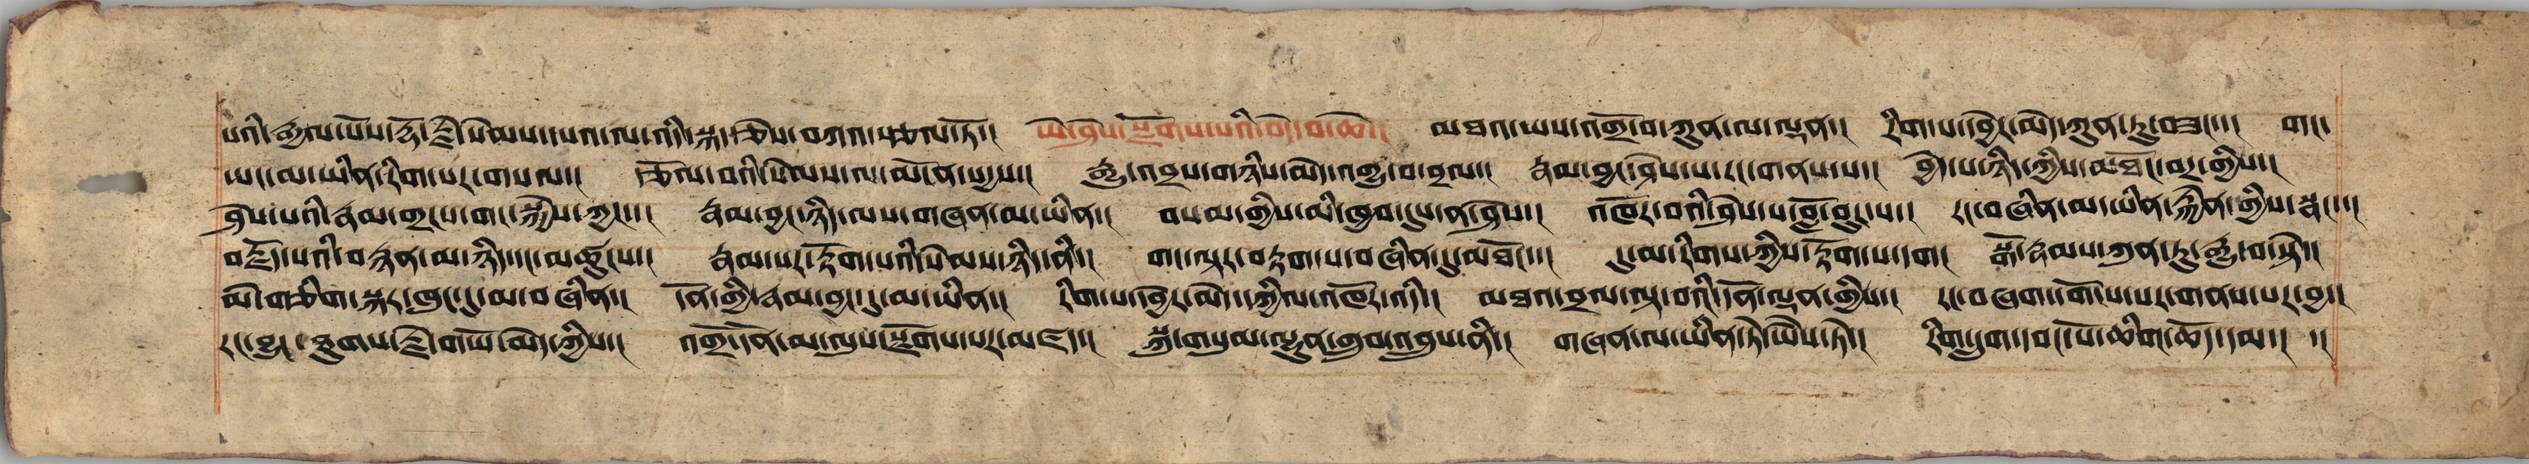པའི་རྒྱལ་པོས་རྡོ་རྗེ་སེམས་དཔའ་ལ་འདི་སྐད་ཅེས་བཀའ་སྩལ་ཏོ་། ཡེ་ཤེས་སྫོགས་པའི་བདེ་བ་ཆེ་། མཐའ་ཡས་འགྲོ་བ་ཀུན་ལ་ལྡན་། རིག་པ་དབྱེར་མེད་ཀུན་ཏུ་བཟང་། གང་
ཡང་མ་ཡིན་རིག་པར་གསལ་། རྩོལ་བའི་སེམས་ལ་མངོན་སདྱས་། རྒྱུ་འབྲས་གཉིས་མེད་འགྱུ་བ་བྲལ་། རྣམ་བྱང་ཤེས་པ་རང་གནས་པ་། བྱེད་པ་ཉིད་ཀྱིས་མཐོང་བར་གྱིས་།
ཤེས་པའི་རྣམ་གྲངས་གང་སྐྱེས་ཀྱང་། རྣམ་བྱང་ཉིད་ལས་གཞན་མ་ཡིན་། བསམ་གྱིས་མི་ཁྱབ་དུས་ན་ཤེས་། འཁོར་བའི་ཤེས་པ་བློ་བུར་པ་། རང་གཞན་མ་ཡིན་རྐྱེན་གྱིས་སྣང་་།
བརྗོད་པའི་བརྙན་མ་ཉིད་དང་མཚུངས་། རྣམ་པར་རྟོག་པའི་སེམས་ཉིད་ནི་། གང་ལྟར་བརྟག་པ་བཞིན་དུ་མཐོང་་། དུ་མ་རིགས་ཀྱིས་རྟོག་པ་དག། སྒོ་རྣམས་ཀུན་ཏུ་རྒྱུ་བ་སྟེ་།
མེ་གཅིག་སྐར་ཁུང་དུ་མ་བཞིན་། དོན་གྱི་རྣམ་བྱང་དུ་མ་ཡིན་། རིག་པ་དབྱེར་མེད་དཀྱིལ་འཁོར་འདི་། མཐའ་བྲལ་ལྟ་བའི་དོན་ལྡན་གྱིས་། རང་བཞག་དགོངས་པར་གནས་པར་བྱ་།
རང་བྱུང་ཐུགས་རྗེ་གཡོ་མེད་ཀྱིས་། འགྲོ་དོན་མ་ལུས་སྫོགས་པར་མཛད་། སྐུ་གསུམ་ལྷུན་གྲུབ་འབྲུས་ནི་། གཞན་ལ་ཡིན་ཏེ་ཡཻས་ཏེ་། རིག་དྲུག་དབང་པོ་ཆིག་ཆོད་དམ་།